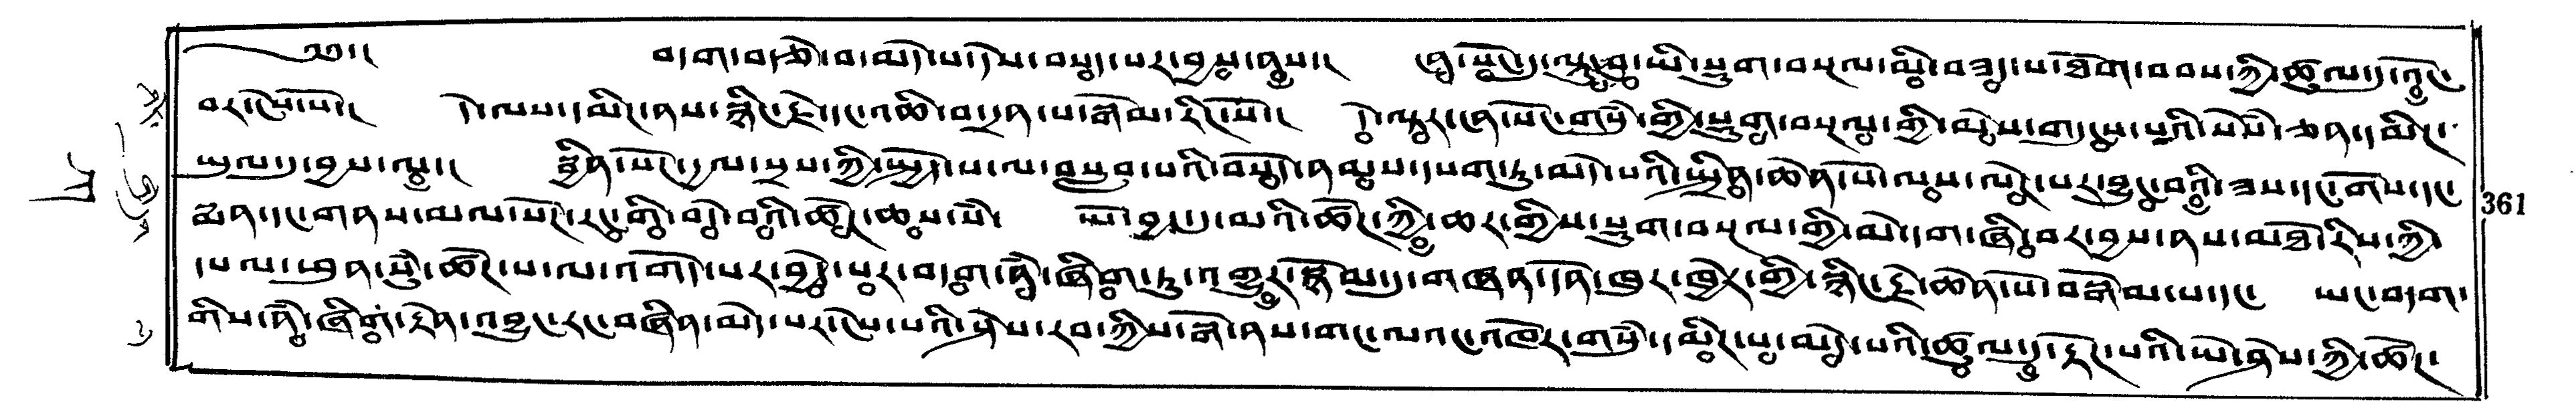བདག་བརྩེ་བ་མེད་པ་དེས་བསད་པར་བྱས་ནས། ངན་སོང་དུ་ལྟུང་བ་ཡི་སྡུག་བསྔལ་མི་བཟད་པ་ཐོག་བབས་ཀྱི་ཚུལ་དུ་འོང་
བར་ངེས་སོ།། དེ་ལ་དམིགས་ནས་སྙིང་རྗེ་དང་འཆི་བ་དྲན་པ་སྒོམ་རིགས་སོ།། དེ་ལྟར་ངན་སོང་གསུམ་གྱི་སྡུག་བསྔལ་གྱི་མེས་གདུངས་པའི་སེམས་ཅན་དམིགས་
ཡུལ་དུ་བྱས་ལ། སྦྱིན་སོགས་རྒྱལ་སྲས་ཀྱི་སྤྱོད་པ་ལ་བསླབ་པའི་བསོད་ནམས་དཔག་ཏུ་མེད་པའི་སྤྲིན་ཆེན་པོ་ལས་ལེགས་པར་བྱུང་བའི་ཟས་དང་གོས་དང་
སྨན་དང་གནས་མལ་སོགས་རང་གི་བདེ་བའི་ཚོགས་ཆས་སམ། ཡོ་བྱད་དུ་མའི་ཚོགས་ཀྱི་ཆར་གྱིས་སྡུག་བསྔལ་གྱི་མེ་དག་ཞི་བར་བྱས་ནས་མཐོ་རིས་ཀྱི་
དཔལ་ཕུན་སུམ་ཚོགས་པ་ལ་འགོད་པར་བྱེད་པར་བདག་ནམ་ཞིག་ཏུ་འགྱུར་སྙམ་དུ་གཞན་དོན་ཁུར་ཁྱེར་གྱི་སྙིང་རྗེ་ཆེན་པོ་བསྒོམ་པ་དང་། ཡང་བདག་
གིས་ནམ་ཞིག་རྟེན་འབྱུང་རང་བཞིན་མེད་པར་ངེས་པའི་ཤེས་རབ་ཀྱིས་སྒོ་ནས་གང་ལའང་འཁོར་གསུམ་དམིགས་པ་མེད་པའི་ཚུལ་དུ་རྟོགས་པའི་ཡེ་ཤེས་ཀྱི་ཚོགས་